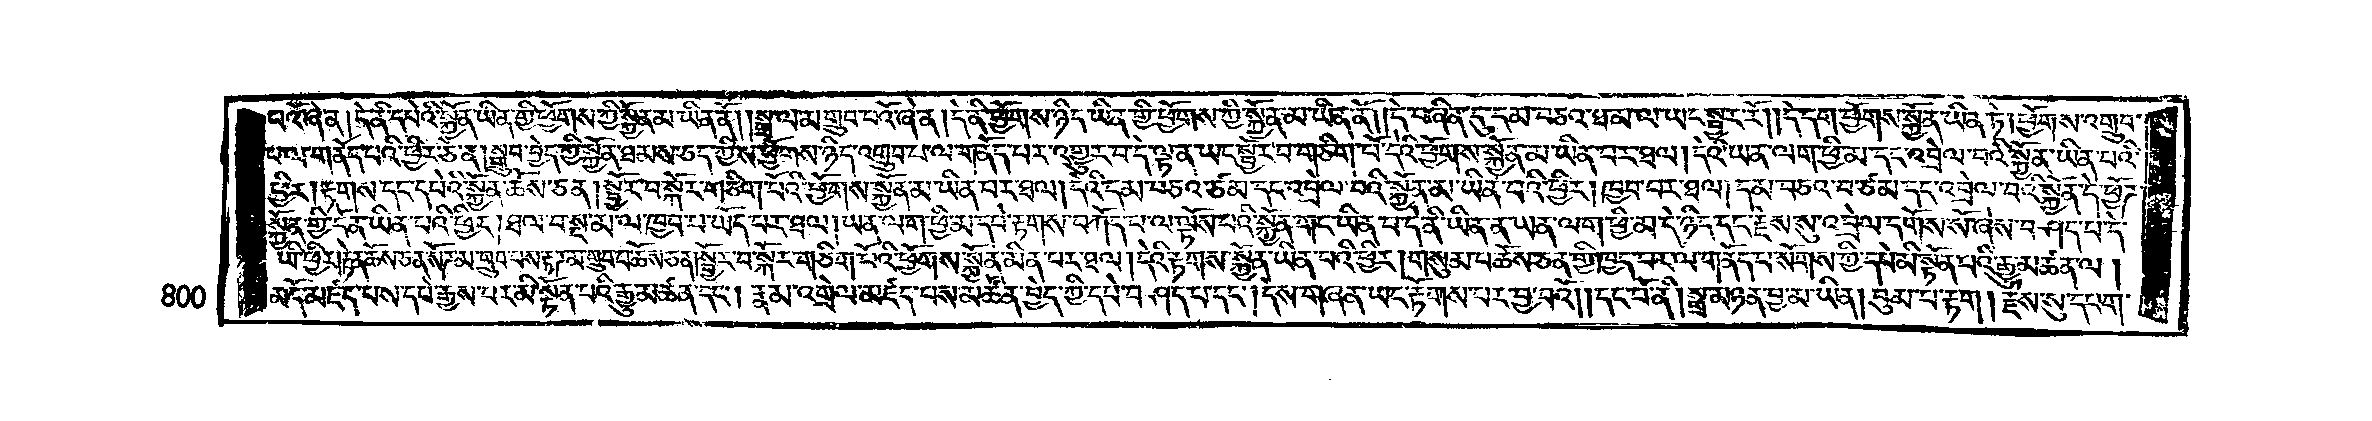པའོ་ཞེ་ན། དེ་ནི་དཔེའི་སྐྱོན་ཡིན་གྱི་ཕྱོགས་ཀྱི་སྐྱོན་མ་ཡིན་ནོ། །སྒྲ་ལ་མ་གྲུབ་པའོ་ཞེ་ན། དེ་ནི་ཕྱོགས་ཉིད་ཡིན་གྱི་ཕྱོགས་ཀྱི་སྐྱོན་མ་ཡིན་ནོ། །དེ་བཞིན་དུ་དམ་བཅའ་ཐ་མ་ལ་ཡང་སྦྱར་རོ། །དེ་དག་ཕྱོགས་སྐྱོན་ཡིན་ཏེ། ཕྱོགས་འགྲུབ་
པ་ལ་གནོད་པའི་ཕྱིར་ཅེ་ན། སྒྲུབ་བྱེད་ཀྱི་སྐྱོན་ཐམས་ཅད་ཀྱིས་ཕྱོགས་ཉིད་འགྲུབ་པ་ལ་གནོད་པར་འགྱུར་བ་དེ་ལྟ་ན་ཡང་སྦྱོར་བ་གཅིག་པོ་དེའི་ཕྱོགས་སྐྱོན་མ་ཡིན་པར་ཐལ། དེའི་ཡན་ལག་ཕྱི་མ་དང་འབྲེལ་བའི་སྐྱོན་ཡིན་པའི་
ཕྱིར། རྟགས་དང་དཔེའི་སྐྱོན་ཆོས་ཅན། སྦྱོར་བསྐོར་གཅིག་པོའི་ཕྱོགས་སྐྱོན་མ་ཡིན་པར་ཐལ། དེའི་དམ་བཅའ་ཙམ་དང་འབྲེལ་བའི་སྐྱོན་མ་ཡིན་པའི་ཕྱིར། ཁྱབ་བར་ཐལ། དམ་བཅའ་བ་ཙམ་དང་འབྲེལ་བའི་སྐྱོན་དེ་ཕྱོགས་
སྐྱོན་གྱི་དོན་ཡིན་པའི་ཕྱིར། ཐལ་བ་སྔ་མ་ལ་ཁྱབ་པ་ཡོད་པར་ཐལ། ཡན་ལག་ཕྱི་མ་དཔེ་རྟགས་བཀོད་པ་ལ་ལྟོས་པའི་སྐྱོན་གང་ཡིན་པ་དེ་ནི་ཡིན་ན་ཡན་ལག་ཕྱི་མ་དེ་ཉིད་དང་རྗེས་སུ་འབྲེལ་དགོས་སོ་ཞེས་བཤད་པ་དེ་
ཡི་ཕྱིར། རྟེན་ཆོས་ཅན་སོགས་མ་གྲུབ་པས་རྟགས་མ་གྲུབ་པ་ཆོས་ཅན། སྦྱོར་བ་སྐོར་གཅིག་པོའི་ཕྱོགས་སྐྱོན་མིན་པར་ཐལ། དེའི་རྟགས་སྐྱོན་ཡིན་པའི་ཕྱིར། གསུམ་པ་ཆོས་ཅན་གྱི་ཁྱད་པར་ལ་གནོད་པ་སོགས་ཀྱི་དཔེ་མི་སྟོན་པའི་རྒྱུ་མཚན་ལ།
མདོ་མཛད་པས་དཔེ་རྒྱས་པར་མི་སྟོན་པའི་རྒྱུ་མཚན་དང་། རྣམ་འགྲེལ་མཛད་པས་མཚོན་བྱེད་ཀྱི་དཔེ་བཤད་པ་དང་། དེས་གཞན་ཡང་རྟོགས་པར་བྱ་བའོ། །དང་པོ་ནི། སྒྲ་མཉན་བྱ་མ་ཡིན། བུམ་པ་རྟག། རྗེས་སུ་དཔག་